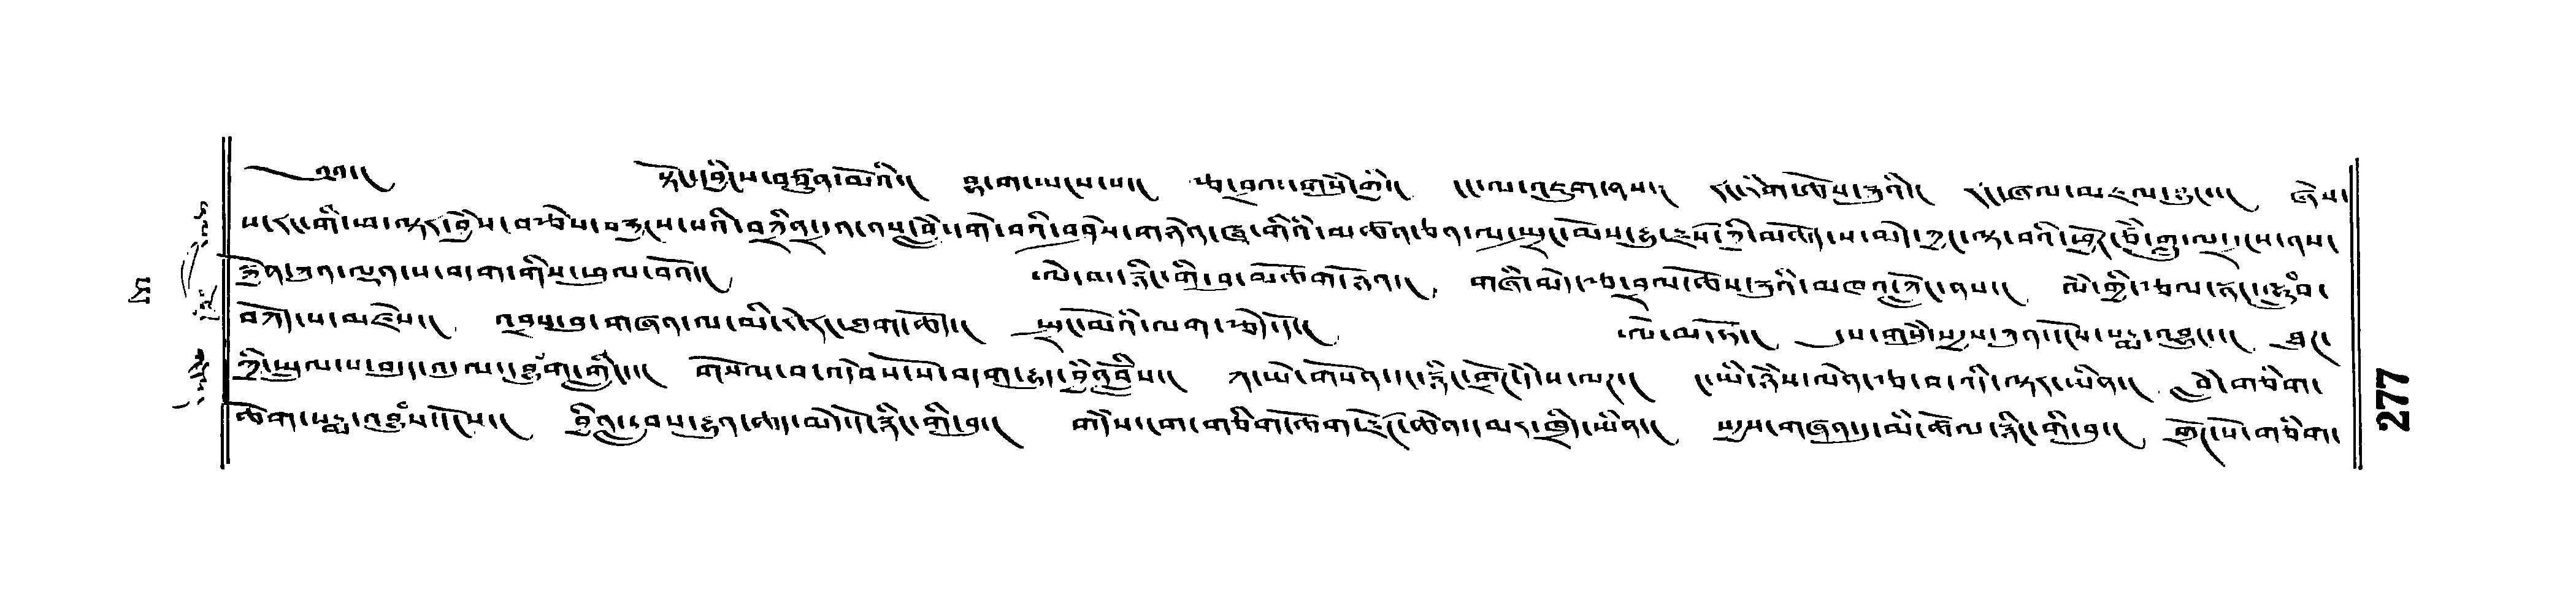།སྟོང་དབྱིངས་བཙུན་མོའི། །བྷ་ག་ཡངས་པ། །རྩ་བྲལ་གསུམ་གྱི། །ངང་ལ་འཇུག་ནས། །རང་རིག་ཆོས་སྐུའི། །རང་ཞལ་མཇལ་བྱུང་། ཞེས་
པ་རང་གི་ཕ་ལྟར་བྱམས་བརྩེས་བསྐྱངས་པའི་བཀའ་དྲིན་དྲན་ནས་བླ་མ་དགེ་བའི་བཤེས་གཉེན་ཝཱ་གིའི་མཚན་ཅན་ལ་སྤྲང་མོས་རྒྱུ་རྫས་ཀྱི་མཆོད་པ་མེད་ཀྱང་ལྟ་བའི་ཕྱོགས་ཙམ་གླུ་ལ་དྲངས་ནས་
སྐྱོན་ཀུན་ལྡན་པ་བདག་གིས་ཕུལ་བའོ།།ཨེ་མ་སྙིང་གི་བུ་མཆོག་ཉོན། །གཞི་མེད་རྩ་བྲལ་ཆོས་སྐུའི་མཁའ་ཀློང་ནས། །ལམ་གྱི་རྩལ་སྣང་ལྷུན་གྲུབ་
བཀོད་པ་མཛེས། །འབྲས་བུ་གཞན་ལ་མི་རེ་རང་ཐག་ཆོད། །སྤྲང་མོའི་ལག་རྩེད་དོ།། ཨེ་མ་ཧོ། དུས་གསུམ་སངས་རྒྱས་ཀུན་དངོས་པདྨ་འབྱུང་། །ཐུགས་
ཀྱི་སྤྲུལ་པ་བདུད་འདུལ་དབང་ཕྱུག་གླིང་། །གསོལ་བ་འདེབས་སོ་བདག་རྒྱུད་བྱིན་གྱིས་རློབས། །ཀ་ཡེ་གསོན་དང་སྙིང་གྲོགས་དམ་པ་ལགས། །ང་ཡི་ཉམས་ལེན་རྩ་བ་འདི་ལྟར་ཡིན། །བླ་མ་གཅིག་
ཆོག་པདྨ་འབྱུང་གནས་དངོས། །བྱིན་རླབས་རྒྱུན་ཆད་མེད་དོ་སྙིང་གི་བུ། །གདམས་ངག་གཅིག་ཆོག་རྫོགས་ཆེན་དམར་ཁྲིད་ཡིན། །སངས་རྒྱས་གཞན་དུ་མི་ཚོལ་སྙིང་གི་བུ། །གྲོགས་པོ་གཅིག་